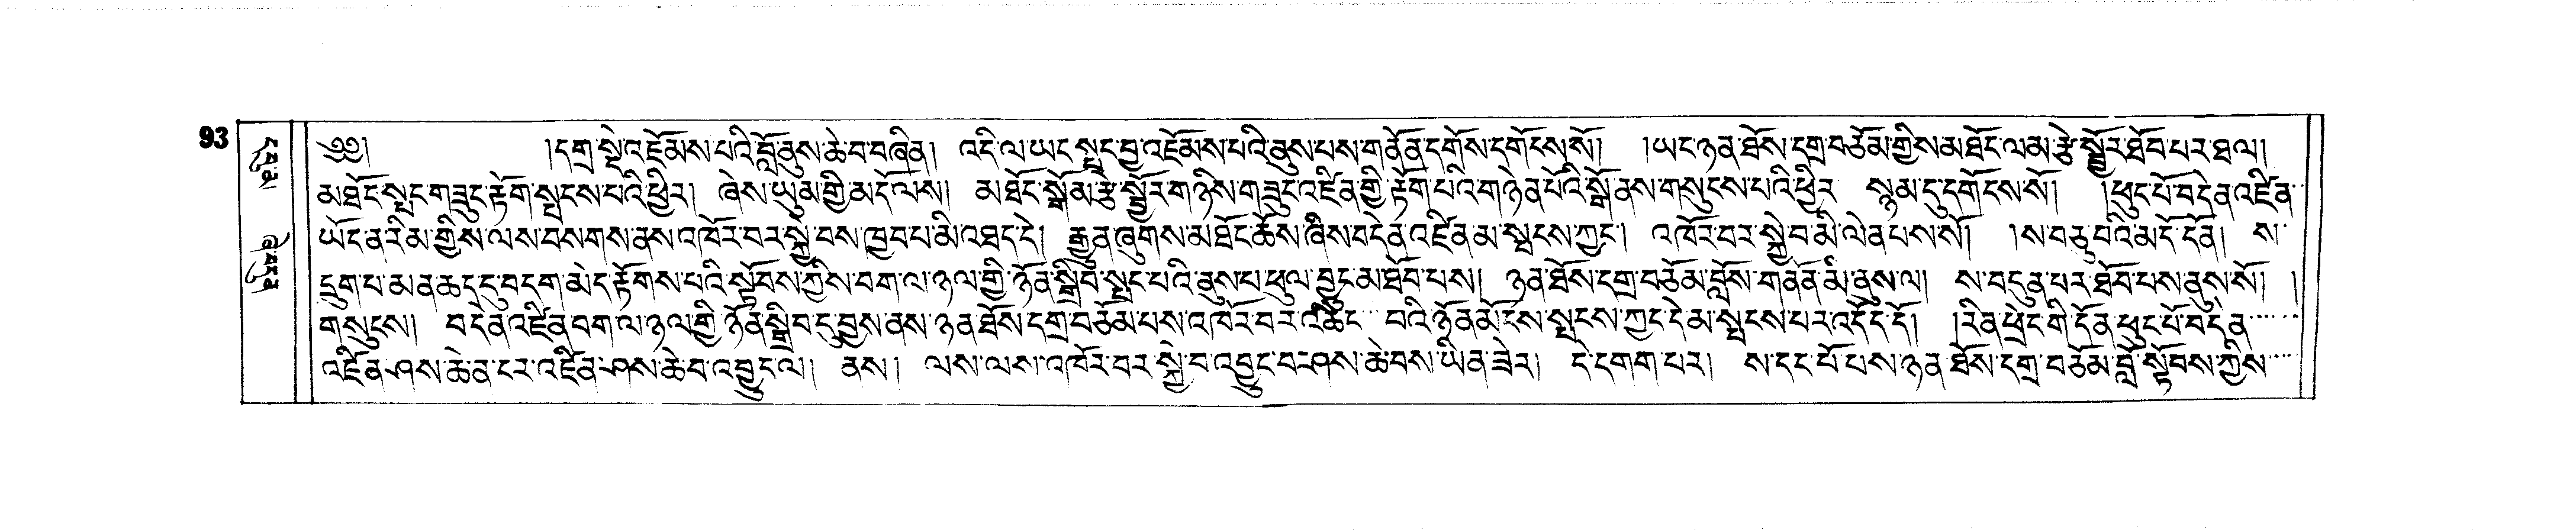༄༅། །དགྲ་སྡེ་འཇོམས་པའི་བློ་ནུས་ཆེ་བ་བཞིན། འདི་ལ་ཡང་སྤང་བྱ་འཇོམས་པའི་ནུས་པས་གནོན་དགོས་དགོངས་སོ། །ཡང་ཉན་ཐོས་དགྲ་བཅོམ་གྱིས་མཐོང་ལམ་རྩེ་སྦྱོར་ཐོབ་པར་ཐལ།
མཐོང་སྤངས་གཟུང་རྟོག་སྤངས་པའི་ཕྱིར། ཞེས་ཡུམ་གྱི་མདོ་ལས། མཐོང་སྒོམ་རྩེ་སྦྱོར་གཉིས་གཟུང་འཛིན་གྱི་རྟོག་པའི་གཉེན་པོའི་སྒོ་ནས་གསུངས་པའི་ཕྱིར། སྙམ་དུ་དགོངས་སོ། །ཕུང་པོ་བདེན་འཛིན་
ཡོད་ན་རིམ་གྱིས་ལས་བསགས་ནས་འཁོར་བར་སྐྱེ་བས་ཁྱབ་པ་མི་འཐད་དེ། རྒྱུན་ཞུགས་མཐོང་ཆོས་ཞིས་བདེན་འཛིན་མ་སྤངས་ཀྱང་། འཁོར་བར་སྐྱེ་བ་མི་ལེན་པས་སོ། །ས་བཅུ་པའི་མདོ་དོན། ས་
དྲུག་པ་མན་ཆད་དུ་བདག་མེད་རྟོགས་པའི་སྟོབས་ཀྱིས་བག་ལ་ཉལ་གྱི་ཉོན་སྒྲིབ་སྤང་པའི་ནུས་པ་ཕུལ་བྱུང་མ་ཐོབ་པས། ཉན་ཐོས་དགྲ་བཅོམ་བློས་གནོན་མི་ནུས་ལ། ས་བདུན་པར་ཐོབ་པས་ནུས་སོ། །
གསུངས། བདེན་འཛིན་བག་ལ་ཉལ་གྱི་ཉོན་སྒྲིབ་དུ་བྱས་ནས་ཉན་ཐོས་དགྲ་བཅོམ་པས་འཁོར་བར་འཆིང་བའི་ཉོན་མོངས་སྤངས་ཀྱང་དེ་མ་སྤངས་པར་འདོད་དོ། །རིན་ཕྲེང་གི་དོན་ཕུང་པོ་བདེན་
འཛིན་ཤས་ཆེ་ན་ངར་འཛིན་ཤས་ཆེ་བ་འབྱུང་ལ། ནས། ལས་ལས་འཁོར་བར་སྐྱེ་བ་འབྱུང་བ་ཤས་ཆེ་བས་ཡིན་ཟེར། དེ་དགག་པར། ས་དང་པོ་པས་ཉན་ཐོས་དགྲ་བཅོམ་བློ་སྟོབས་ཀྱིས་